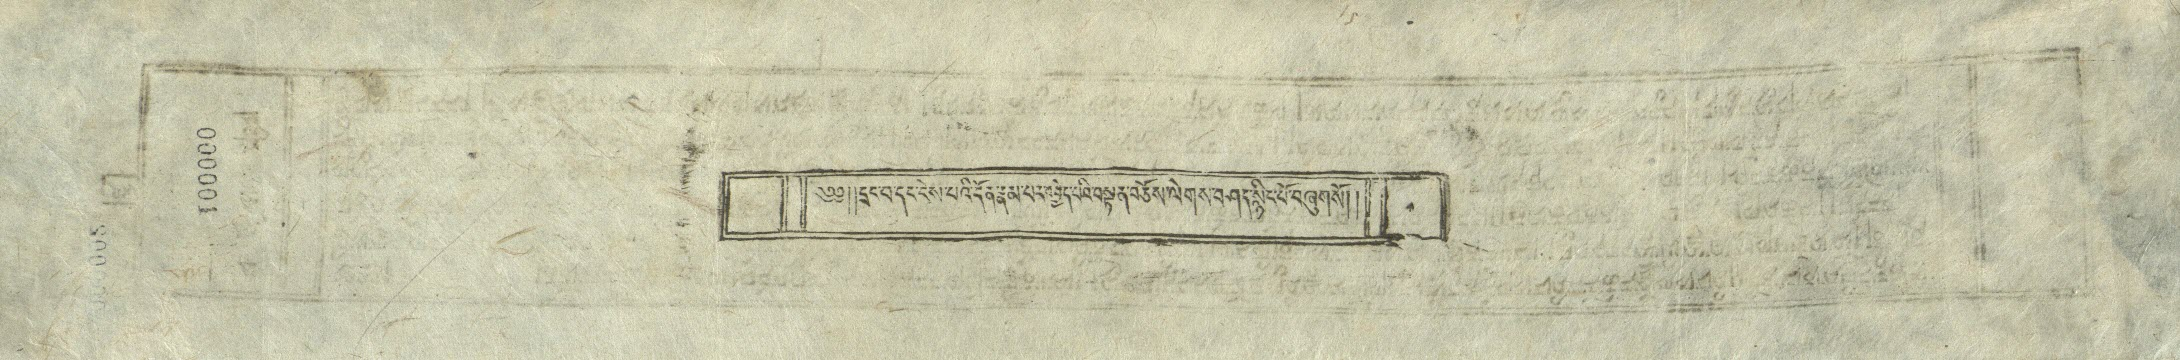༄༅། །དྲང་བ་དང་ངེས་པའི་དོན་རྣམ་པར་འབྱེད་པའི་བསྟན་བཅོས་ལེགས་བཤད་སྙིང་པོ་བཞུགས་སོ། །